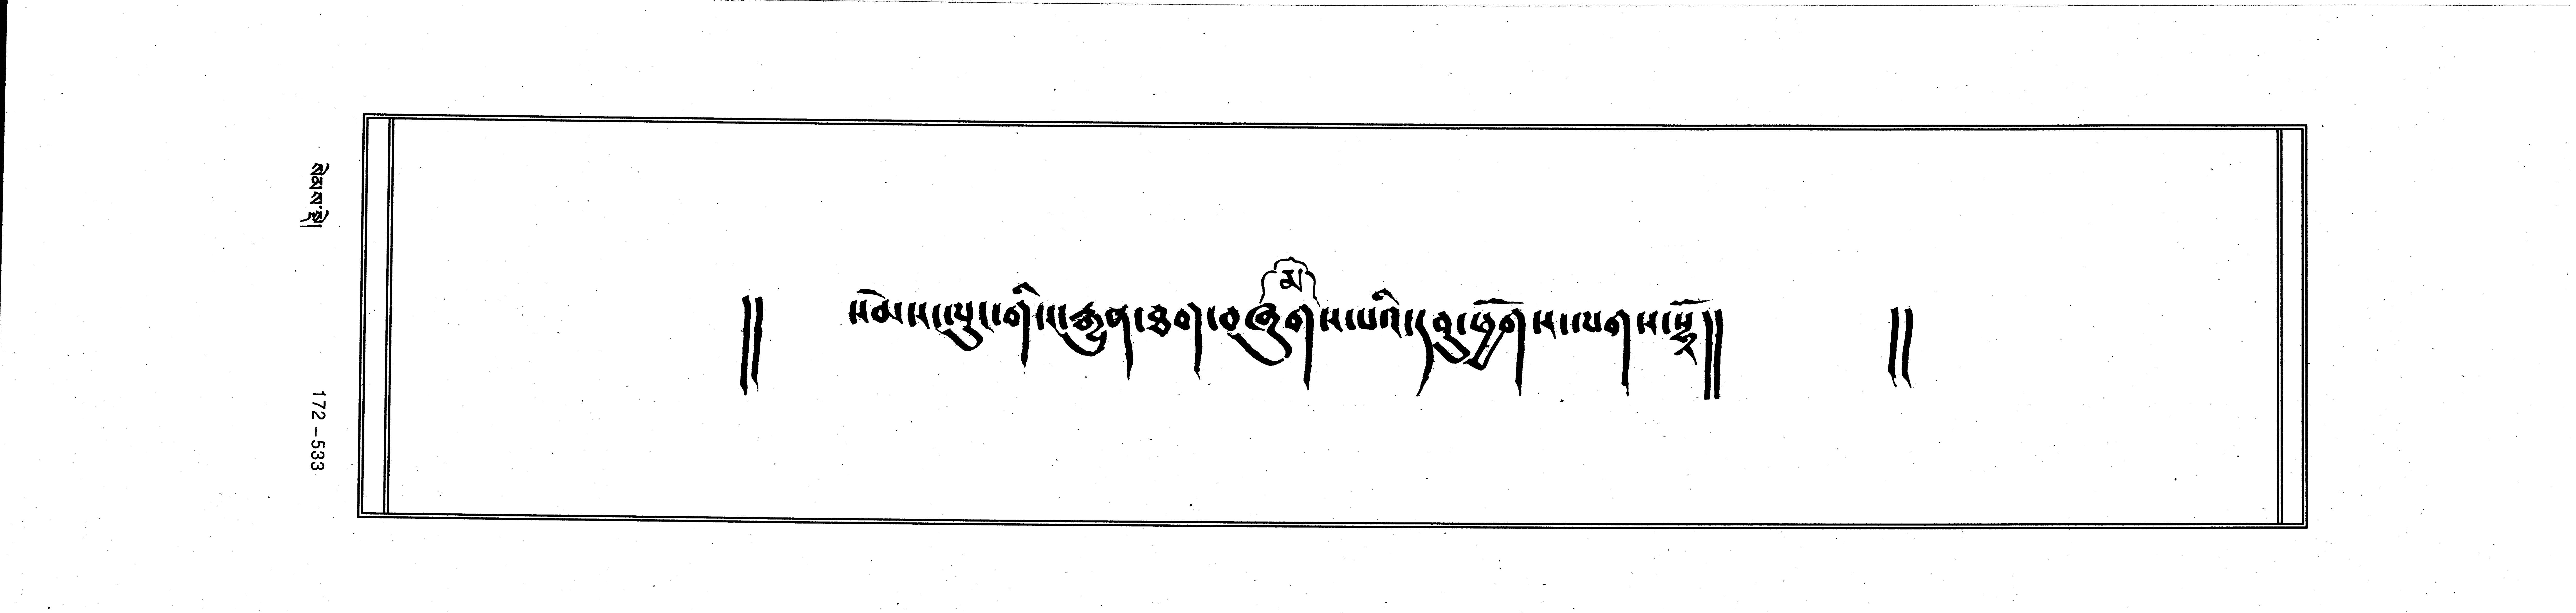༼མ༽ སེམས་ལུང་གིས་རྒྱུན་ཐག་བཞུགས་པའི་དབུ་ཕྱོགས་ལགས་སྷཱོ།།